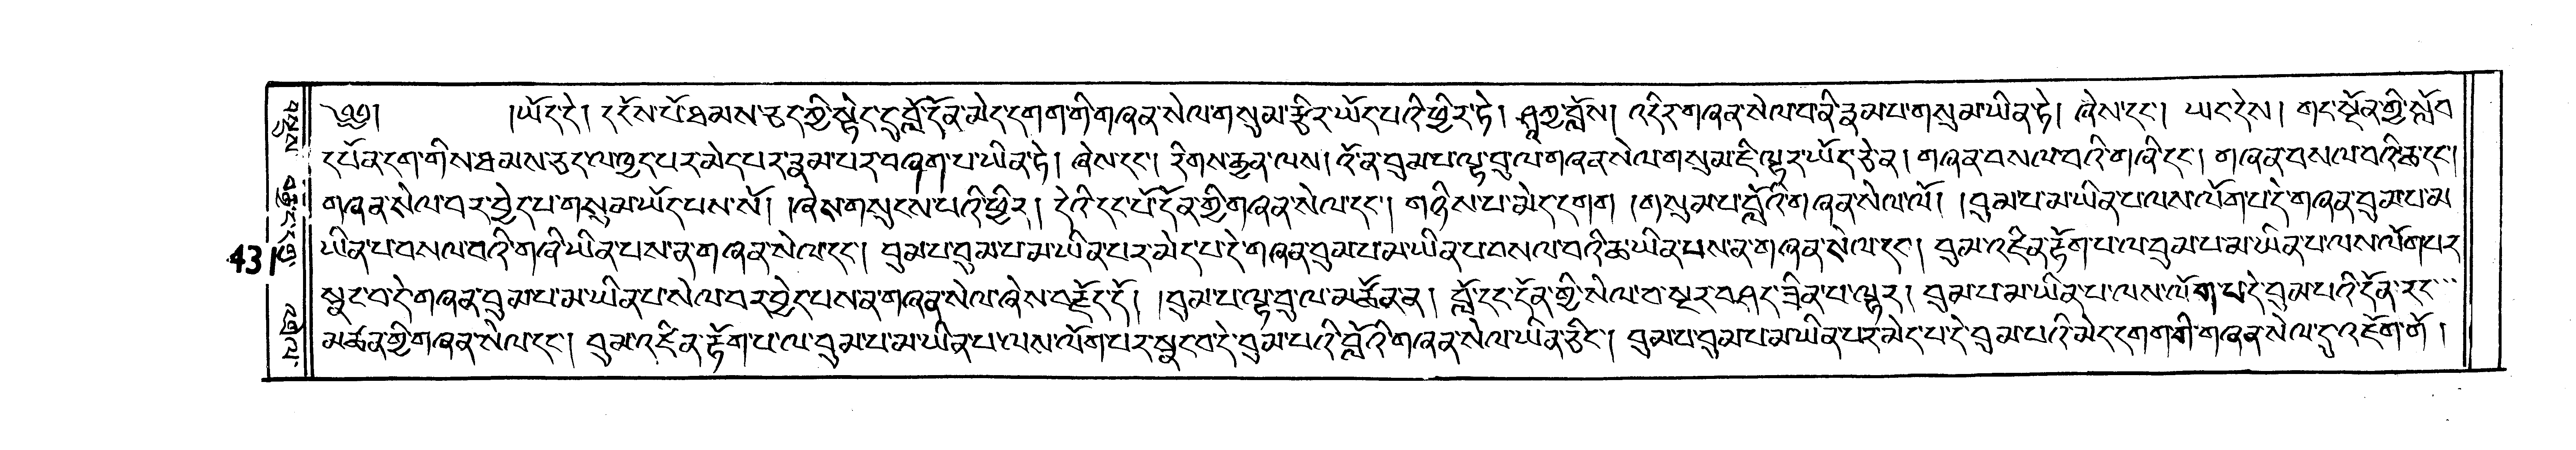༄༅། །ཡོད་དེ། དངོས་པོ་ཐམས་ཅད་ཀྱི་སྟེང་དུ་བློ་དོན་མེད་དགག་གི་གཞན་སེལ་གསུམ་རྩིའི་ཡོད་པའི་ཕྱིར་ཏེ། ཤཱཀྱ་བློས། འདིར་གཞན་སེལ་བ་ནི་རྣམ་པ་གསུམ་ཡིན་ཏེ། ཞེས་དང་། ཡང་དེས། གང་སྔོན་གྱི་སློབ་
དཔོན་དག་གིས་ཐམས་ཅད་ལ་ཁྱད་པར་མེད་པར་རྣམ་པར་བཞག་པ་ཡིན་ཏེ། ཞེས་དང་། རིགས་རྒྱན་ལས། འོ་ན་བུམ་པ་ལྟ་བུ་ལ་གཞན་སེལ་གསུམ་ཇི་ལྟར་ཡོད་ཅེ་ན། གཞན་བསལ་བའི་གཞི་དང་། གཞན་བསལ་བའི་ཆ་དང་།
གཞན་སེལ་བར་བྱེད་པ་གསུམ་ཡོད་པས་སོ། །ཞེས་གསུངས་པའི་ཕྱིར། དེའི་དང་པོ་དོན་གྱི་གཞན་སེལ་དང་། གཉིས་པ་མེད་དགག །གསུམ་པ་བློའི་གཞན་སེལ་ལོ། །བུམ་པ་མ་ཡིན་པ་ལས་ལོག་པ་དེ་གཞན་བུམ་པ་མ་
ཡིན་པ་བསལ་བའི་གཞི་ཡིན་པས་ན་གཞན་སེལ་དང་། བུམ་པ་བུམ་པ་མ་ཡིན་པར་མེད་པ་དེ་གཞན་བུམ་པ་མ་ཡིན་པ་བསལ་བའི་ཆ་ཡིན་པས་ན་གཞན་སེལ་དང་། བུམ་འཛིན་རྟོག་པ་ལ་བུམ་པ་མ་ཡིན་པ་ལས་ལོག་པར་
སྣང་བ་དེ་གཞན་བུམ་པ་མ་ཡིན་པ་སེལ་བར་བྱེད་པས་ན་གཞན་སེལ་ཞེས་བརྗོད་དོ། །བུམ་པ་ལྟ་བུ་ལ་མཚོན་ན། བློ་དང་དོན་གྱི་སེལ་བ་སྔར་བཤད་ཟིན་པ་ལྟར། བུམ་པ་མ་ཡིན་པ་ལས་ལོག་པ་དེ་བུམ་པའི་དོན་རང་
མཚན་གྱི་གཞན་སེལ་དང་། བུམ་འཛིན་རྟོག་པ་ལ་བུམ་པ་མ་ཡིན་པ་ལས་ལོག་པར་སྣང་བདེ་བུམ་པའི་བློའི་གཞན་སེལ་ཡིན་ཅིང་། བུམ་པ་བུམ་པ་མ་ཡིན་པར་མེད་པ་དེ་བུམ་པའི་མེད་དག་གི་གཞན་སེལ་དུ་འཇོག་གོ།